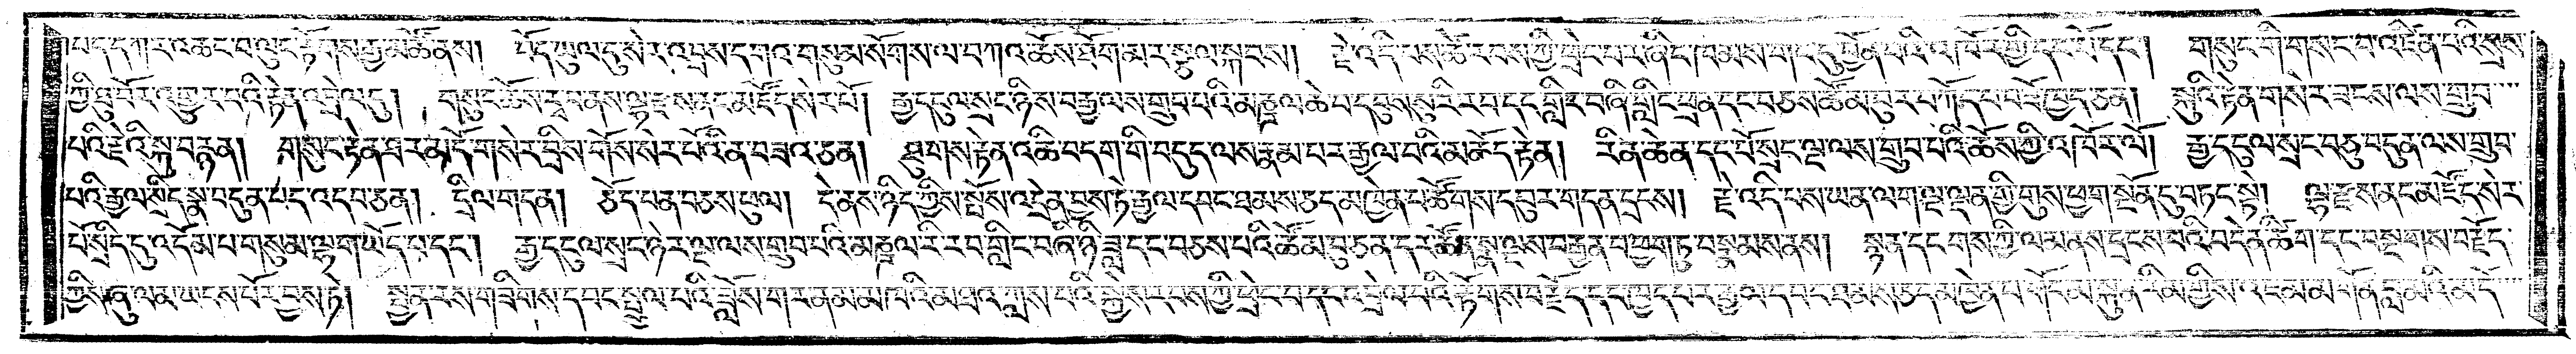པད་དཀར་འཆང་བ་ལུང་རྟོགས་རྒྱ་མཚོ་ནས། བོད་ཡུལ་དུ་སེར་འབྲས་དགའ་གསུམ་སོགས་ལ་བཀའ་ཆོས་ཐོག་མར་སྩལ་སྐབས། རྗེ་འདི་བས་ཚེ་རབས་ཀྱི་ཕྲེང་བར་ཞིང་ཁམས་གང་དུ་བྱོན་བའི་འཁོར་གྱི་དང་པོ་དང་། གསུང་གི་གསང་བ་འཛིན་པའི་སྲས་
ཀྱི་ཐུ་བོར་འགྱུར་བའི་རྟེན་འབྲེལ་དུ། གསུང་ཆོས་རྭ་བ་ནས་ལྷ་རྫས་ནང་མཛོད་སེར་པོ། རྒྱ་དངུལ་སྲང་ཉིས་བརྒྱ་ལས་གྲུབ་པའི་མཎྜལ་ཆེ་བ་དབུས་སུ་རི་རབ་དང་གླིང་བཞི་གླིང་ཕྲན་དང་བཅས་ཚོམ་བུར་བཀོད་པ་བཟོ་ཁྱད་ཅན། སྐུའི་རྟེན་གསེར་ཟངས་ལས་གྲུབ་
པའི་རྗེའི་སྐུ་བརྙན། གསུང་རྟེན་ཐར་མདོ་གསེར་བྲིས་གོས་སེར་པོའི་ན་བཟའ་ཅན། ཐུགས་རྟེན་འཆི་བདག་གི་བདུད་ལས་རྣམ་བར་རྒྱལ་བའི་མཆོད་རྟེན། རིན་ཆེན་དང་པོ་སྲང་ལྔ་ལས་གྲུབ་པའི་ཆོས་ཀྱི་འཁོར་ལོ། རྒྱ་དངུལ་སྲང་བཅུ་བདུན་ལས་གྲུབ་
པའི་རྒྱལ་སྲིད་སྣ་བདུན་པར་འདབ་ཅན། དྲིལ་གདན། ཅོད་པན་བཅས་ཕུལ། དེ་ནས་ཉིད་ཀྱིས་སྤོས་འདྲེན་བྱས་ཏེ་རྒྱལ་དབང་ཐམས་ཅད་མཁྱེན་པ་ཚོགས་དབུར་གདན་དྲངས། རྗེ་འདི་པས་ཡན་ལག་ལྔ་ལྡན་གྱི་གུས་ཕྱག་སྔོན་དུ་བཏང་སྟེ། ལྷ་རྫས་ནང་མཛོད་སེར་
པོ་སྲིད་དུ་འདོམ་པ་གསུམ་ལྷག་ཡོད་པ་དང་། རྒྱ་དངུལ་སྲང་ཉེར་ལྔ་ལས་གྲུབ་པའི་མཎྜལ་རི་རབ་གླིང་བཞི་ཉི་ཟླ་དང་བཅས་པའི་ཚོམ་བུ་ཅན་དར་ཚོན་སྣ་ལྔས་བརྒྱན་པ་ཕྱག་ཏུ་བསྣམས་ནས། སྙན་དང་གས་ཀྱི་ལམ་ནས་དྲངས་པའི་བདེན་ཚིག་དང་བསྔགས་བརྗོད་
ཀྱིས་ཞུ་ལམ་ཡངས་པོར་བྱས་ཏེ། སྤྱན་རས་གཟིགས་དབང་སྤྲུལ་པའི་ཟློས་གར་ནམ་མཁའི་མཐའ་ཀླས་བའི་སྐྱེས་རབས་ཀྱི་ཕྲེང་བ་དང་འབྲེལ་བའི་རྟོགས་བརྗོད་དང་ཁྱད་པར་རྒྱལ་དབང་ཐམས་ཅད་མཁྱེན་པ་གོང་མ་སྐུ་ན་རིམ་གྱིས་འཇམ་མགོན་བླ་མའི་མདོ་